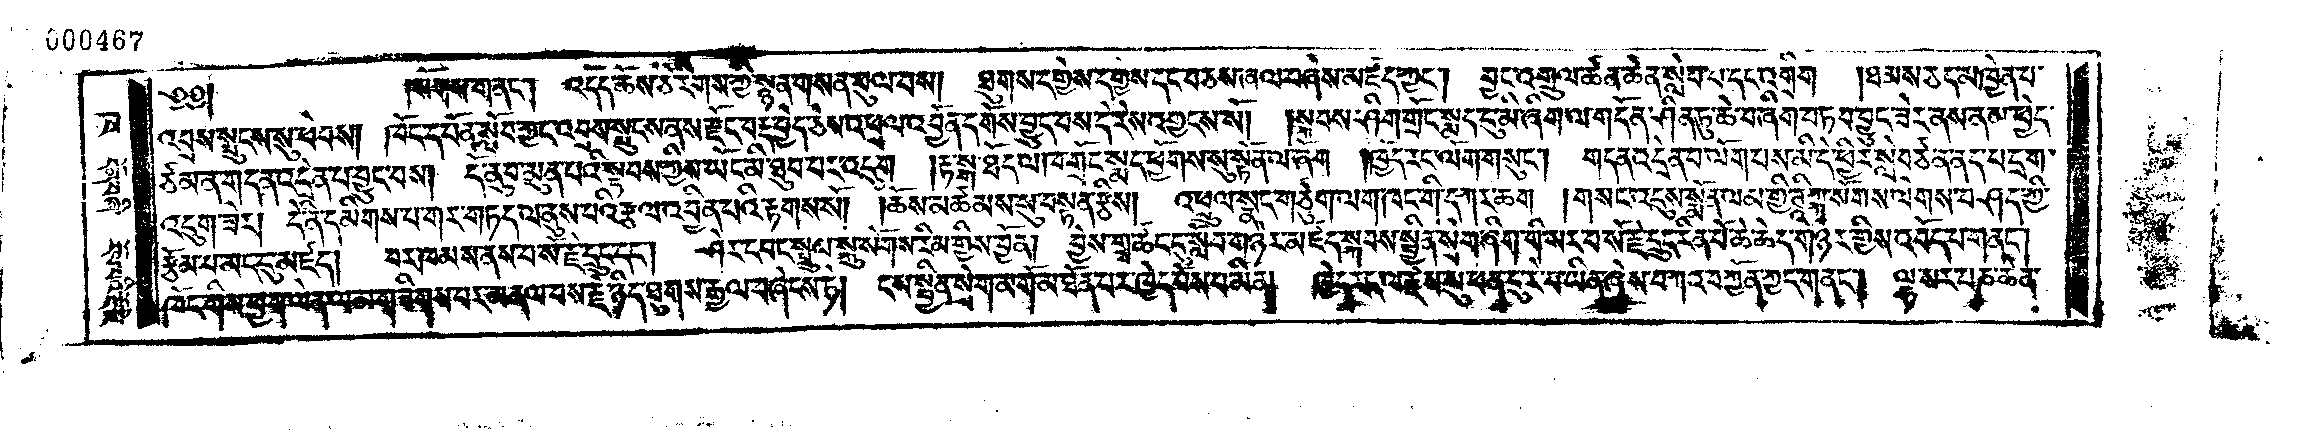༄༅། །སོགས་གནང་། འདོད་ཆོས་ཅི་རིགས་ཀྱི་སྙན་གསན་ཕུལ་བས། ཐུགས་དགྱེས་དགྱེས་དང་བཅས་ཞལ་བཞེས་མཛད་ཀྱང་། བྱང་འགྲུལ་ཚན་ཆེན་སླེབ་པ་དང་འགྲིག །ཐམས་ཅད་མཁྱེན་པ་
འབྲས་སྤུངས་སུ་ཕེབས། ཁོང་དཔོན་སློབ་ཀྱང་འབྲས་སྤུངས་ནས་རྫོང་བརྡ་བྱེད་ཅེས་འཕྲལ་འབྱོན་དགོས་བྱུང་བས་དེ་རེས་འགྱངས་སོ། །སྐབས་ཤིག་གྲོང་སྨད་དུ་མི་ཞིག་ལ་གདོན་ཤིན་ཏུ་ཆེ་བ་ཞིག་བཏབ་བྱུང་ཟེར་ནས་ནམ་ཕྱེད་
ཙམ་ན་གདན་འདྲེན་པ་བྱུང་བས། དོ་ནུབ་མུན་པའི་སྟབས་ཀྱིས་ཡོང་མི་ཐུབ་པར་འདུག། །རྟ་སྒ་ཐོད་ལ་ཁ་གྲོང་སྨད་ཕྱོགས་སུ་སྟོན་ལ་ཞོག །ཁྱོད་རང་ལོག་གསུང་། གདན་འདྲེན་བ་ལོག་པས་མི་དེ་ཕྱིར་སླེབ་ཙན་ནད་པ་དྲག་
འདུག་ཟེར། དེ་ནི་དམིགས་པ་གར་གཏད་ལ་ནུས་པའི་རྩལ་འབྱིན་པའི་རྟགས་སོ། །ཆོས་མཚམས་སུ་བསྟན་རྩིས། འཕྲུལ་སྣང་གཙུག་ལག་ཁང་གི་དཀར་ཆག །གསང་འདུས་སྨོན་ལམ་གྱི་ཊཱིཀྐ་སོགས་ལེགས་བཤད་ཀྱི་
རྩོམ་པ་མང་དུ་མཛད། བར་ཁམས་ནས་བ་སོ་རྗེ་དྲུང་དང་། ཤེར་དབང་སྤྲུལ་སྐུ་སོགས་རིམ་གྱིས་བྱོན། བྱེས་གྲྭ་ཚང་དུ་སློབ་གཉེར་མཛད་སྐབས་སྦྱིན་སྲེག་ཞིག་གི་སར་བ་སོ་རྗེ་དྲུང་རིན་པོ་ཆེ་ཆེད་གཉེར་གྱིས་འབོད་པ་གནང་།
ཁོང་གིས་ཕྱག་ལེན་ལ་མ་གཟིགས་པར་མནལ་བས་རྗེ་ཉིད་ཐུགས་རྒྱལ་བཞེངས་ཏེ། ངས་སྦྱིན་སྲེག་མགོ་མ་ཐོན་པར་ཁྱེད་བོས་པ་མིན། ཁྱེད་རང་ལ་རྗེས་སུ་ཕན་དུ་རེ་བ་ཡིན་ཞེས་བཀའ་བཀྱོན་ཀྱང་གནང་། ལྷ་སར་པཎ་ཆེན་